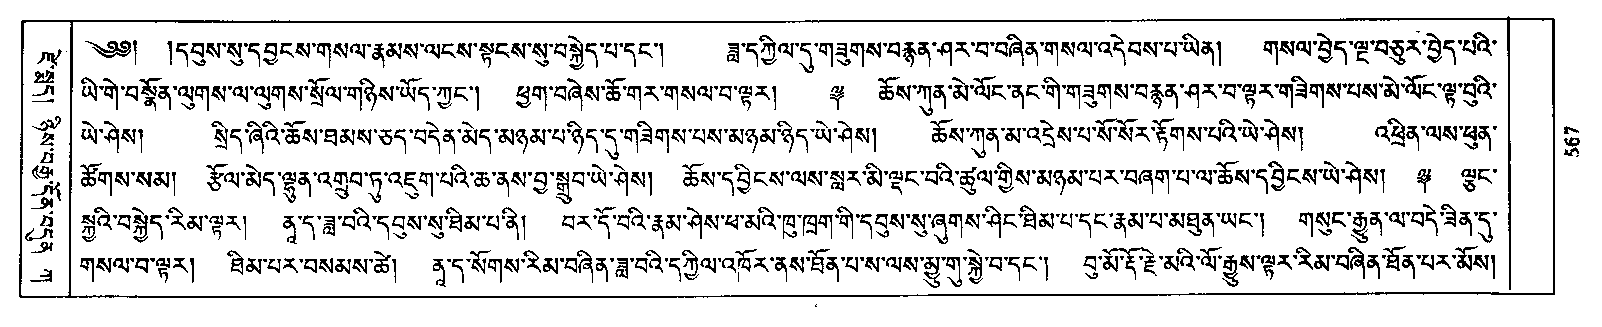༄༅། །དབུས་སུ་དབྱངས་གསལ་རྣམས་ལངས་སྟངས་སུ་བསྐྱེད་པ་དང་། ཟླ་དཀྱིལ་དུ་གཟུགས་བརྙན་ཤར་བ་བཞིན་གསལ་འདེབས་པ་ཡིན། གསལ་བྱེད་ལྔ་བཅུར་བྱེད་པའི་
ཡི་གེ་བསྣོན་ལུགས་ལ་ལུགས་སྲོལ་གཉིས་ཡོད་ཀྱང་། ཕྱག་བཞེས་ཆོ་གར་གསལ་བ་ལྟར། ༈ ཆོས་ཀུན་མེ་ལོང་ནང་གི་གཟུགས་བརྙན་ཤར་བ་ལྟར་གཟིགས་པས་མེ་ལོང་ལྟ་བུའི་
ཡེ་ཤེས། སྲིད་ཞིའི་ཆོས་ཐམས་ཅད་བདེན་མེད་མཉམ་པ་ཉིད་དུ་གཟིགས་པས་མཉམ་ཉིད་ཡེ་ཤེས། ཆོས་ཀུན་མ་འདྲེས་པ་སོ་སོར་རྟོགས་པའི་ཡེ་ཤེས། འཕྲིན་ལས་ཕུན་
ཚོགས་སམ། རྩོལ་མེད་ལྷུན་འགྲུབ་ཏུ་འཇུག་པའི་ཆ་ནས་བྱ་སྒྲུབ་ཡེ་ཤེས། ཆོས་དབྱིངས་ལས་སླར་མི་ལྡང་བའི་ཚུལ་གྱིས་མཉམ་པར་བཞག་པ་ལ་ཆོས་དབྱིངས་ཡེ་ཤེས།༈ ལྕང་
སྐྱའི་བསྐྱེད་རིམ་ལྟར། ནཱ་ད་ཟླ་བའི་དབུས་སུ་ཐིམ་པ་ནི། བར་དོ་བའི་རྣམ་ཤེས་ཕ་མའི་ཁུ་ཁྲག་གི་དབུས་སུ་ཞུགས་ཤིང་ཐིམ་པ་དང་རྣམ་པ་མཐུན་ཡང་། གསུང་རྒྱུན་ལ་བདེ་ཟིན་དུ་
གསལ་བ་ལྟར། ཐིམ་པར་བསམས་ཚེ། ནཱ་ད་སོགས་རིམ་བཞིན་ཟླ་བའི་དཀྱིལ་འཁོར་ནས་ཐོན་པ་ས་ལས་མྱུ་གུ་སྐྱེ་བ་དང་། བུ་མོ་རྡོ་རྗེ་མའི་ལོ་རྒྱུས་ལྟར་རིམ་བཞིན་ཐོན་པར་མོས།